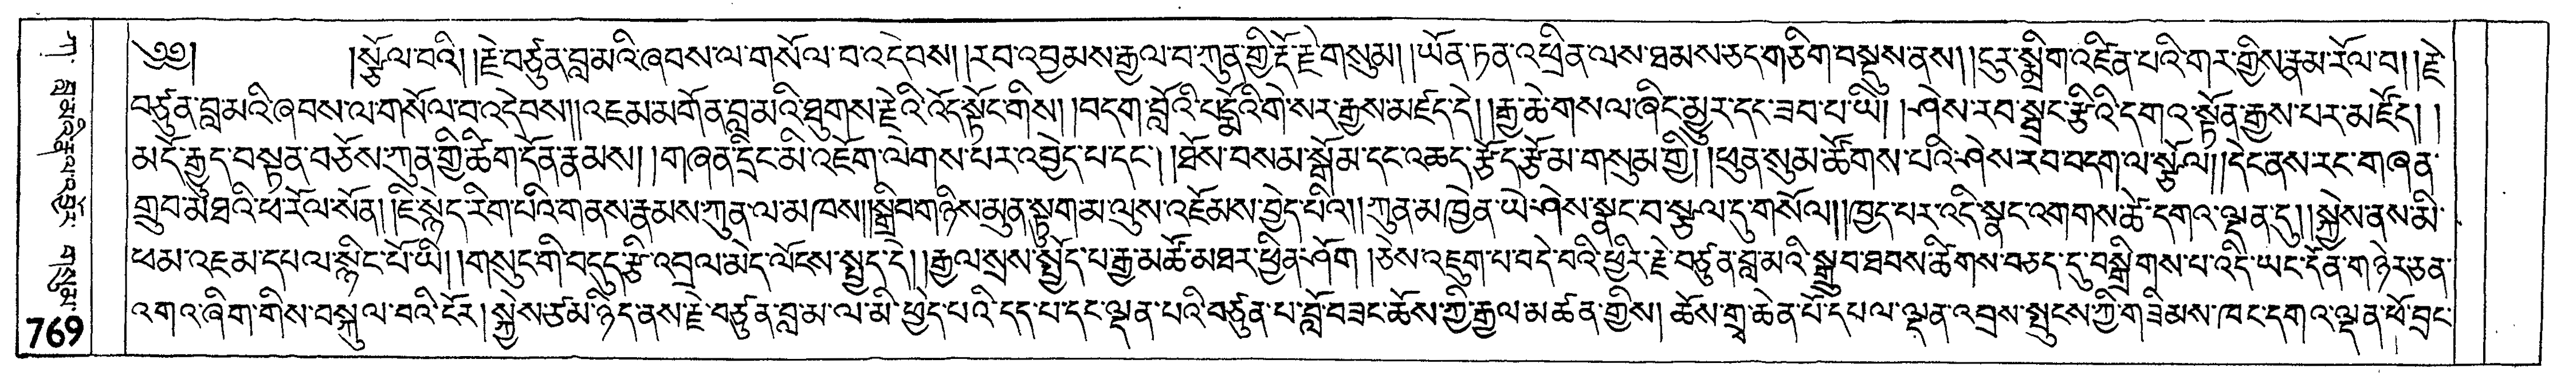༄༅། །སྩོལ་བའི། །རྗེ་བཙུན་བླ་མའི་ཞབས་ལ་གསོལ་བ་འདེབས། །རབ་འབྱམས་རྒྱལ་བ་ཀུན་གྱི་རྡོ་རྗེ་གསུམ། །ཡོན་ཏན་འཕྲིན་ལས་ཐམས་ཅད་གཅིག་བསྡུས་ནས། །ངུར་སྨྲིག་འཛིན་པའི་གར་གྱིས་རྣམ་རོལ་བ། །རྗེ་
བཙུན་བླ་མའི་ཞབས་ལ་གསོལ་བ་འདེབས། །འཇམ་མགོན་བླ་མའི་ཐུགས་རྗེའི་འོད་སྟོང་གིས། །བདག་བློའི་པདམོའི་གེ་སར་རྒྱས་མཛད་དེ། །རྒྱ་ཆེ་གསལ་ཞིང་མྱུར་དང་ཟབ་པ་ཡི། །ཤེས་རབ་སྦྲང་རྩིའི་དགའ་སྟོན་རྒྱས་པར་མཛོད། །
མདོ་རྒྱུད་བསྟན་བཅོས་ཀུན་གྱི་ཚིག་དོན་རྣམས། །གཞན་དྲིང་མི་འཇོག་ལེགས་པར་འབྱེད་པ་དང་། །ཐོས་བསམ་སྒོམ་དང་འཆད་རྩོད་རྩོམ་གསུམ་གྱི། །ཕུན་སུམ་ཚོགས་པའི་ཤེས་རབ་བདག་ལ་སྩོལ། །དེང་ནས་རང་གཞན་
གྲུབ་མཐའི་ཕ་རོལ་སོན། །ཇི་སྙེད་རིག་པའི་གནས་རྣམས་ཀུན་ལ་མཁས། །སྒྲིབ་གཉིས་མུན་སྟུག་མ་ལུས་འཇོམས་བྱེད་པའི། །ཀུན་མཁྱེན་ཡེ་ཤེས་སྣང་བ་སྩལ་དུ་གསོལ། །ཁྱད་པར་འདི་སྣང་འགགས་ཚེ་དགའ་ལྡན་དུ། །སྐྱེས་ནས་མི་
ཕམ་འཇམ་དཔལ་སྙིང་པོ་ཡི། །གསུང་གི་བདུད་རྩི་འབྲལ་མེད་ལོངས་སྤྱད་དེ། །རྒྱལ་སྲས་སྤྱོད་པ་རྒྱ་མཚོ་མཐར་ཕྱིན་ཤོག །ཅེས་འཇུག་པ་བདེ་བའི་ཕྱིར་རྗེ་བཙུན་བླ་མའི་སྒྲུབ་ཐབས་ཚིགས་བཅད་དུ་བསྒྲིགས་པ་འདི་ཡང་དོན་གཉེར་ཅན་
འགའ་ཞིག་གིས་བསྐུལ་བའི་ངོར། སྐྱེས་ཙམ་ཉིད་ནས་རྗེ་བཙུན་བླ་མ་ལ་མི་ཕྱེད་པའི་དད་པ་དང་ལྡན་པའི་བཙུན་པ་བློ་བཟང་ཆོས་ཀྱི་རྒྱལ་མཚན་གྱིས། ཆོས་གྲྭ་ཆེན་པོ་དཔལ་ལྡན་འབྲས་སྤུངས་ཀྱི་གཟིམས་ཁང་དགའ་ལྡན་ཕོ་བྲང་